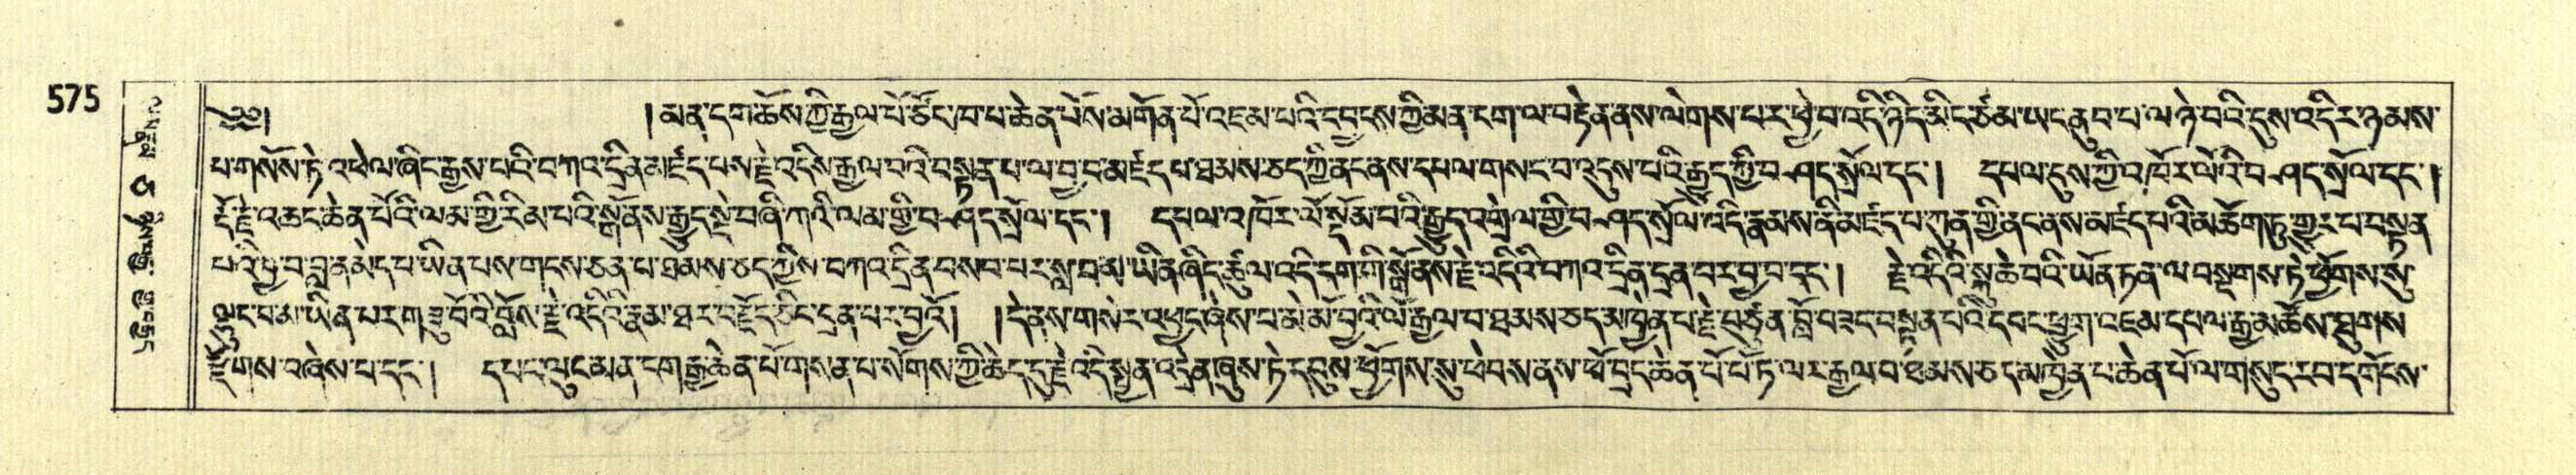༄༅། །མན་ངག་ཆོས་ཀྱི་རྒྱལ་པོ་ཙོང་ཁ་པ་ཆེན་པོས་མགོན་པོ་འཇམ་པའི་དབྱངས་ཀྱི་མན་ངག་ལ་བརྟེན་ནས་ལེགས་པར་ཕྱེ་བ་འདི་ཉིད་མིང་ཙམ་ཡང་ནུབ་པ་ལ་ཉེ་བའི་དུས་འདིར་ཉམས་
པ་གསོས་ཏེ་འཕེལ་ཞིང་རྒྱས་པའི་བཀའ་དྲིན་མཛད་པས་རྗེ་འདིས་རྒྱལ་བའི་བསྟན་པ་ལ་བྱ་བ་མཛད་པ་ཐམས་ཅད་ཀྱི་ནང་ནས་དཔལ་གསང་བ་འདུས་པའི་རྒྱུད་ཀྱི་བཤད་སྲོལ་དང་། དཔལ་དུས་ཀྱི་འཁོར་ལོའི་བཤད་སྲོལ་དང་།
རྡོ་རྗེ་འཆང་ཆེན་པོའི་ལམ་གྱི་རིམ་པའི་སྒོ་ནས་རྒྱུད་སྡེ་བཞི་ཀའི་ལམ་གྱི་བཤད་སྲོལ་དང་། དཔལ་འཁོར་ལོ་སྡོམ་པའི་རྒྱུད་འགྲེལ་གྱི་བཤད་སྲོལ་འདི་རྣམས་ནི་མཛད་པ་ཀུན་གྱི་ནང་ནས་མཛད་པའི་མཆོག་ཏུ་གྱུར་པ་བསྟན་
པའི་བྱ་བ་བླ་ན་མེད་པ་ཡིན་པས་གངས་ཅན་པ་ཐམས་ཅད་ཀྱིས་བཀའ་དྲིན་བསབ་པར་སླབ་མ་ཡིན་ཞིང་ཚུལ་འདི་དག་གི་སྒོ་ནས་རྗེ་འདིའི་བཀའ་དྲིན་དྲན་པར་བྱ་བ་དང་། རྗེ་འདིའི་སྐུ་ཆེ་བའི་ཡོན་ཏན་ལ་བསྔགས་ཏེ་ཕྱོགས་སུ་
ལྷུང་པ་མ་ཡིན་པར་གཟུ་བོའི་བློས་རྗེ་འདིའི་རྣམ་ཐར་བརྗོད་ཅིང་དྲན་པར་བྱའོ། །དེ་ནས་གསེར་འཕྱང་ཞེས་པ་མེ་མོ་བྱའི་ལོ་རྒྱལ་བ་ཐམས་ཅད་མཁྱེན་པ་རྗེ་བཙུན་བློ་བཟང་བསྟན་པའི་དབང་ཕྱུག་འཇམ་དཔལ་རྒྱ་མཚོས་ཐུགས་
རྫོགས་བཞེས་པ་དང་། དཔང་ལུང་མན་ངག་རྒྱ་ཆེན་པོ་གསན་པ་སོགས་ཀྱི་ཆེད་དུ་རྗེ་འདི་སྤྱན་འདྲེན་ཞུས་ཏེ་དབུས་ཕྱོགས་སུ་ཕེབས་ནས་ཕོ་བྲང་ཆེན་པོ་པོ་ཏ་ལར་རྒྱལ་བ་ཐམས་ཅད་མཁྱེན་པ་ཆེན་པོ་ལ་གསུང་རབ་དགོངས་